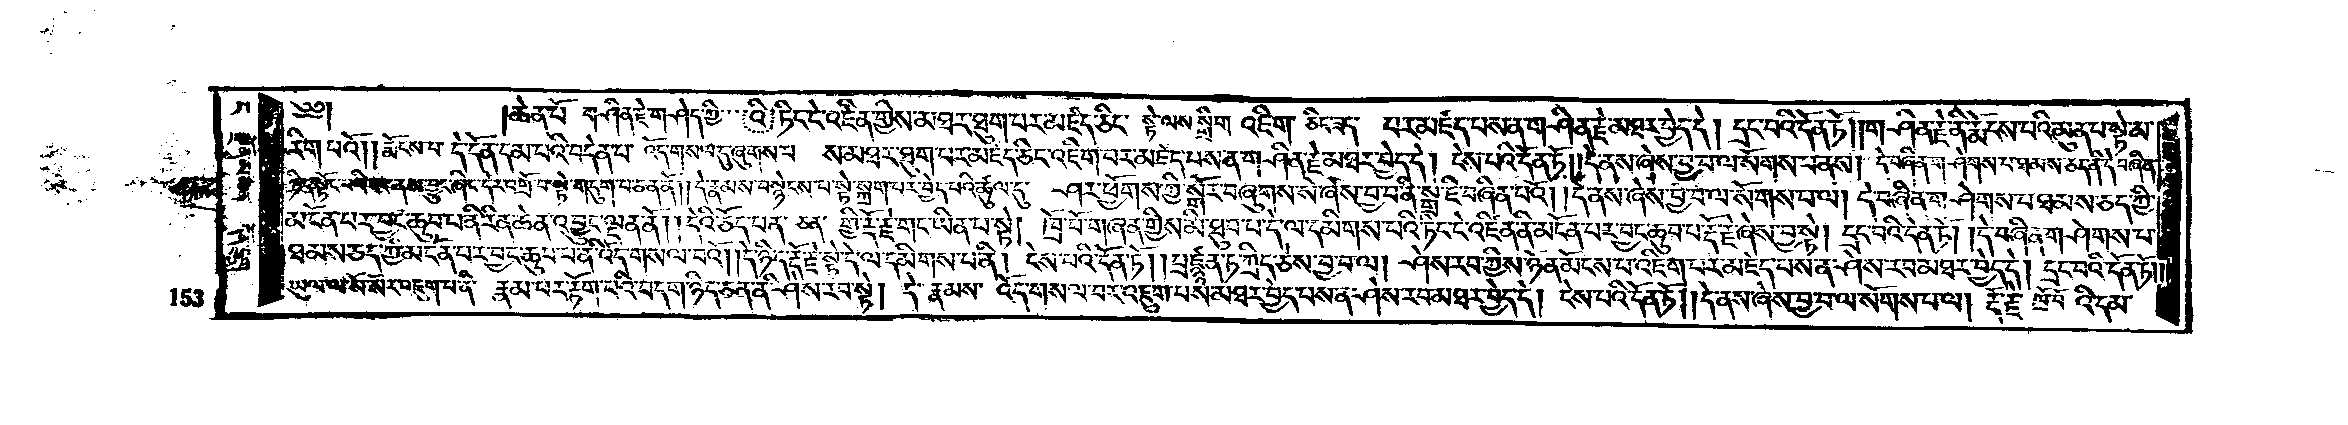༄༅། །ཆེན་པོ་གཤིན་རྗེ་གཤེད་ཀྱིའི་ཏིང་ངེ་འཛིན་གྱིས་མཐར་ཐུག་པར་མཛད་ཅིང་སྟེ་ལས་སྒྲིབ་འཇིག་ཅིང་ཟད་པར་མཛད་པས་ན་གཤིན་རྗེ་མཐར་བྱེད་དེ། དྲང་བའི་དོན་ཏོ། །གཤིན་རྗེ་ནི་རྨོངས་པའི་མུན་པ་སྟེ་མ་
རིག་པའོ། ། རྨོངས་པ་དེ་དོན་དམ་པའི་བདེན་པ་འོད་གསལ་དུ་ཞུགས་པ་ས་མཐར་ཐུག་པར་མཛད་ཅིང་འཇིག་པར་མཛད་པས་ན་གཤིན་རྗེ་མཐར་བྱེད་དེ། ངེས་པའི་དོན་ཏོ། །དེ་ནས་ཞེས་བྱ་བ་ལ་སོགས་པ་ནས། དེ་བཞིན་གཤེགས་པ་ཐམས་ཅད་ནི་དེ་བཞིན་
ཉིད་སྟོང་པའི་ངང་ནས་བྱུང་ཞིང་དེར་འགྲོ་བ་སྟེ་གདུག་པ་ཅན་ནོ། །དེ་རྣམས་བསྙེངས་པ་སྟེ་སྐྲག་པར་བྱེད་པའི་ཚུལ་དུ་ཤར་ཕྱོགས་ཀྱི་སྒོར་བཞུགས་སོ་ཞེས་བྱ་བ་ནི་སྒྲ་ཇི་བཞིན་པའོ། །དེ་ནས་ཞེས་བྱ་བ་ལ་སོགས་པ་ལ། དེ་བཞིན་གཤེགས་པ་ཐམས་ཅད་ཀྱི་
མངོན་པར་བྱང་ཆུབ་པ་ནི་རིན་ཆེན་འབྱུང་ལྡན་ནོ། །དེའི་ཅོད་པན་ཅན་གྱི་རྡོ་རྗེ་གང་ཡིན་པ་སྟེ། ཁྲོ་བོ་གཞན་གྱིས་མི་ཐུབ་པ་དེ་ལ་དམིགས་པའི་ཏིང་ངེ་འཛིན་ནི་མངོན་པར་བྱང་ཆུབ་པ་རྡོ་རྗེ་ཞེས་བྱ་སྟེ། དྲང་བའི་དེན་ཏོ། །དེ་བཞིན་གཤེགས་པ་
ཐམས་ཅད་ཀྱི་མངོན་པར་བྱང་ཆུབ་པ་ནི་འོད་གསལ་བའོ། །དེ་ཉིད་རྡོ་རྗེ་སྟེ་དེ་ལ་དམིགས་པ་ནི། ངེས་པའི་དོན་ཏོ། །པྲ་ཛྙཱན་ཏ་ཀྲིད་ཅེས་བྱ་བ་ལ། ཤེས་རབ་ཀྱིས་ཉོན་མོངས་པ་འཇིག་པར་མཛད་པས་ན་ཤེས་རབ་མཐར་བྱེད་དེ། དྲང་བའི་དོན་ཏོ། །
ཡུལ་ལ་སོ་སོར་འཇུག་པ་ནི་རྣམ་པར་རྟོག་པའི་བདག་ཉིད་ཅན་ནི་ཤེས་རབ་སྟེ། དེ་རྣམས་འོད་གསལ་བར་འཇུག་པས་མཐར་བྱེད་པས་ན་ཤེས་རབ་མཐར་བྱེད་དེ། ངེས་པའི་དོན་ཏོ། །དེ་ནས་ཞེས་བྱ་བ་ལ་སོགས་པ་ལ། རྡོ་རྗེ་ཁྲོ་བོའི་དམ་